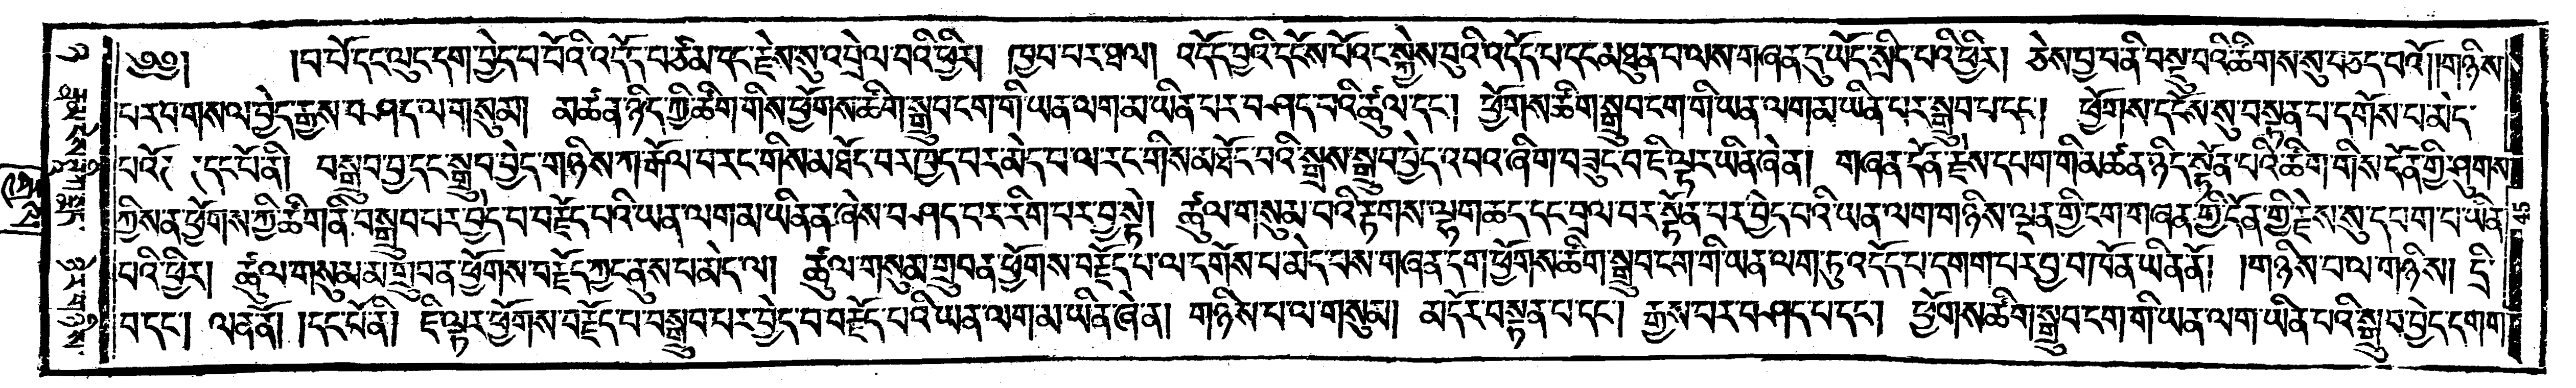༄༅། །བ་པོ་དང་ལུང་དག་བྱེད་པ་བོའི་འདོད་བ་ཙམ་དང་རྗེས་སུ་འབྲེལ་བའི་ཕྱིར། ཁྱབ་པར་ཐལ། འདོད་བྱའི་དངོས་པོའང་སྐྱེས་བུའི་འདོད་པ་དང་མཐུན་བ་ལས་གཞན་དུ་ཡོད་སྲིད་པའི་ཕྱིར། ཅེས་བྱ་བ་ནི་བསྡུ་བའི་ཚིགས་སུ་བཅད་བའོ། །གཉིས་
པར་བ་གསལ་བྱེད་རྒྱས་བཤད་ལ་གསུམ། མཚན་ཉིད་ཀྱི་ཚིག་གིས་ཕྱོགས་ཚིག་སྒྲུབ་ངག་གི་ཡན་ལག་མ་ཡིན་པར་བཤད་པའི་ཚུལ་དང་། ཕྱོགས་ཚིག་སྒྲུབ་ངག་གི་ཡང་ལག་མ་ཡིན་པར་སྒྲུབ་པ་དང་། ཕྱོགས་དངོས་སུ་བསྟན་པ་དགོས་པ་མེད་
པའོ༑ ༑དང་པོ་ནི། བསྒྲུབ་བྱ་དང་སྒྲུབ་བྱེད་གཉིས་ཀ་རྒོལ་བ་རང་གིས་མཐོང་བར་ཁྱད་པར་མེད་པ་ལ་རང་གིས་མཐོང་བའི་སྒྲས་སྒྲུབ་བྱེད་འབའ་ཞིག་བཟུང་བ་ཇི་ལྟར་ཡིན་ཞེ་ན། གཞན་དོན་རྗེས་དཔག་གི་མཚན་ཉིད་སྟོན་པའི་ཚིག་གིས་དོན་གྱི་ཤུགས་
ཀྱིས་ན་ཕྱོགས་ཀྱི་ཚིག་ནི་བསྒྲུབ་པར་བྱེད་པ་བརྗོད་པའི་ཡན་ལག་མ་ཡིན་ན་ཞེས་བཤད་བར་རིག་པར་བྱ་སྟེ། ཚུལ་གསུམ་བའི་རྟགས་ལྷག་ཆད་དང་བྲལ་བར་སྟོན་པར་བྱེད་པའི་ཡན་ལག་གཉིས་ལྡན་གྱི་ངག་གཞན་གྱི་དོན་གྱི་རྗེས་སུ་དཔག་པ་ཡིན་
པའི་ཕྱིར། ཚུལ་གསུམ་མགྲུབ་ན་ཕྱོགས་བརྗོད་ཀྱང་ནུས་པ་མེད་ལ། ཚུལ་གསུམ་གྲུབ་ན་ཕྱོགས་བརྗོད་པ་ལ་དགོས་པ་མེད་པས་གཞན་དག་ཕྱོགས་ཚིག་སྒྲུབ་ངག་གི་ཡན་ལག་ཏུ་འདོད་པ་དགག་པར་བྱ་བ་ཁོ་ན་ཡིན་ནོ། །གཉིས་པ་ལ་གཉིས། དྲི་
བ་དང་། ལན་ནོ། །དང་པོ་ནི། ཇི་ལྟར་ཕྱོགས་བརྗོད་པ་བསྒྲུབ་པར་བྱེད་བ་བརྗོད་པའི་ཡན་ལག་མ་ཡིན་ཞེ་ན། གཉིས་པ་ལ་གསུམ། མདོར་བསྟན་པ་དང་། རྒྱས་པར་བཤད་པ་དང་། ཕྱོགས་ཚིག་སྒྲུབ་ངག་གི་ཡན་ལག་ཡིན་པའི་སྒྲུབ་བྱེད་དགག་